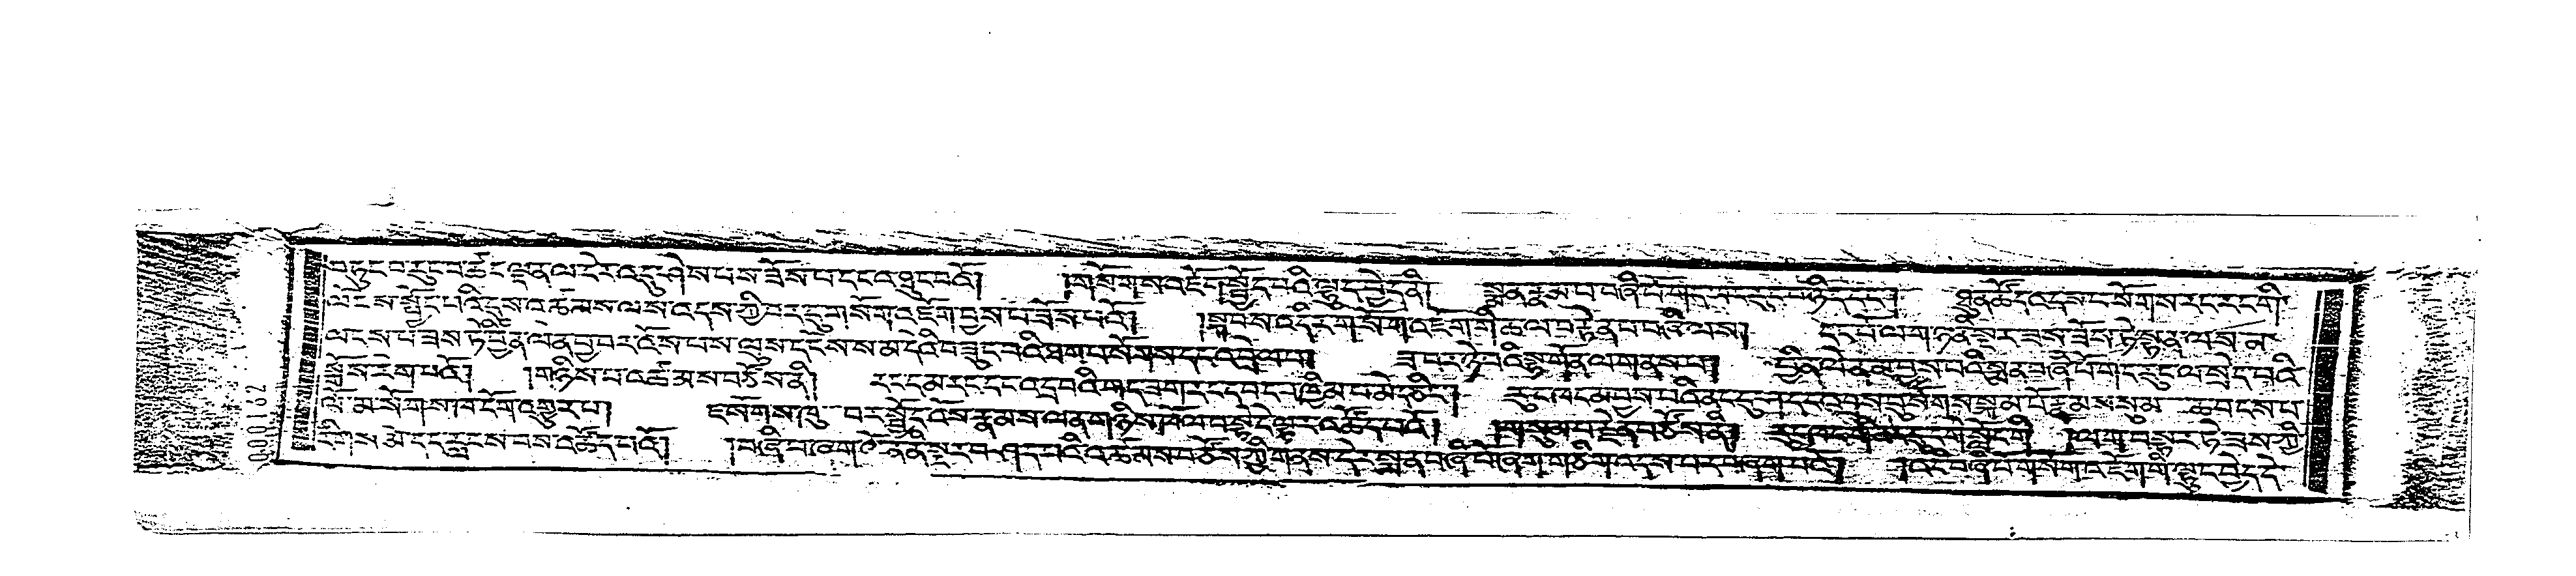བཏུང་བ་རུང་བ་ཚང་ལྡན་ལ་ངེར་འདུ་ཤེས་པས་ཟོས་པ་དང་འཐུང་བའོ། །གསོགས་འཇོག་སྤྱོད་པའི་ལྟུང་བྱེད་ནི། སྨན་རྣམ་པ་བཞི་པོ་གང་ཡང་རུང་བ་ཉིད་དང་། ཐུན་ཚོད་འདས་པ་སོགས་རང་རང་གི་
ལོངས་སྤྱོད་པའི་དུས་འཚམས་ལས་འདས་ཀྱི་བར་དུ་གསོག་འཇོག་བྱས་པ་ཟོས་པའོ། །སྐབས་འདིར་གསོག་འཇོག་གི་ཆ་ལ་བརྟེན་པ་བཞི་ལས། དང་པོ་ལག་ཉ་ནི་སྔར་ཟས་ཟོས་ཏེ་སྟན་ལས་མ་
ལངས་པ་ཟས་ཏེ་བྱིན་ལེན་བྱ་བར་འོས་པས་ལུས་དངོས་སམ་དེའི་བཟུང་བའི་ཐག་པ་སོགས་དང་འབྲེལ་བ། ཟ་བར་ཉེ་བའི་སྟ་གོན་ལ་གནས་པ། བྱིན་ལེན་མ་བྱས་པའི་སྨན་བཞི་པོ་གང་རུང་ལ་སྲེད་པའི་
སྒོས་རེག་པའོ། །གཉིས་པ་འཚམས་བཙོས་ནི། རང་དམ་རང་དང་འདྲ་བའི་གང་ཟག་རང་དབང་བ་ཁྱིམ་པ་མེད་ཅིང་། རུང་ཁང་མ་བྱས་པའི་ནང་དུ་ཤ་དང་འབྲས་བུ་སོགས་སྐམ་པོ་རྣམས་སུ་མ་ཆ་བ་ངས་པ་
ལོ་མ་སོགས་ཁ་དོག་འགྱུར་པ། ཇ་སོགས་ཁུ་བར་སྦྱོང་འོས་རྣམས་ལན་གཉིས་ཁོལ་བ་སྟེ་དེ་ལྟར་འཚོད་པའོ། །གསུམ་པ་རྗེན་བཙོས་ནི། རུང་ཁང་གི་ནང་དུ་དགེ་སློང་གི །ལག་བསྟར་ཏེ་ཟས་ཀྱི་
རིགས་མེ་དང་རླངས་བས་འཚོད་པའོ། །བཞི་པ་ཞག་འོ་ན་ནི་སྔར་བཤད་པའི་འཚམས་བཙོས་ཀྱི་གནས་དེར་སྨན་བཞི་པོ་ཞག་གཅིག་འདས་པར་བཞག་པའོ། །འདི་བཞི་པོ་གསོག་འཇོག་གི་ལྟུང་བྱེད་དེ་